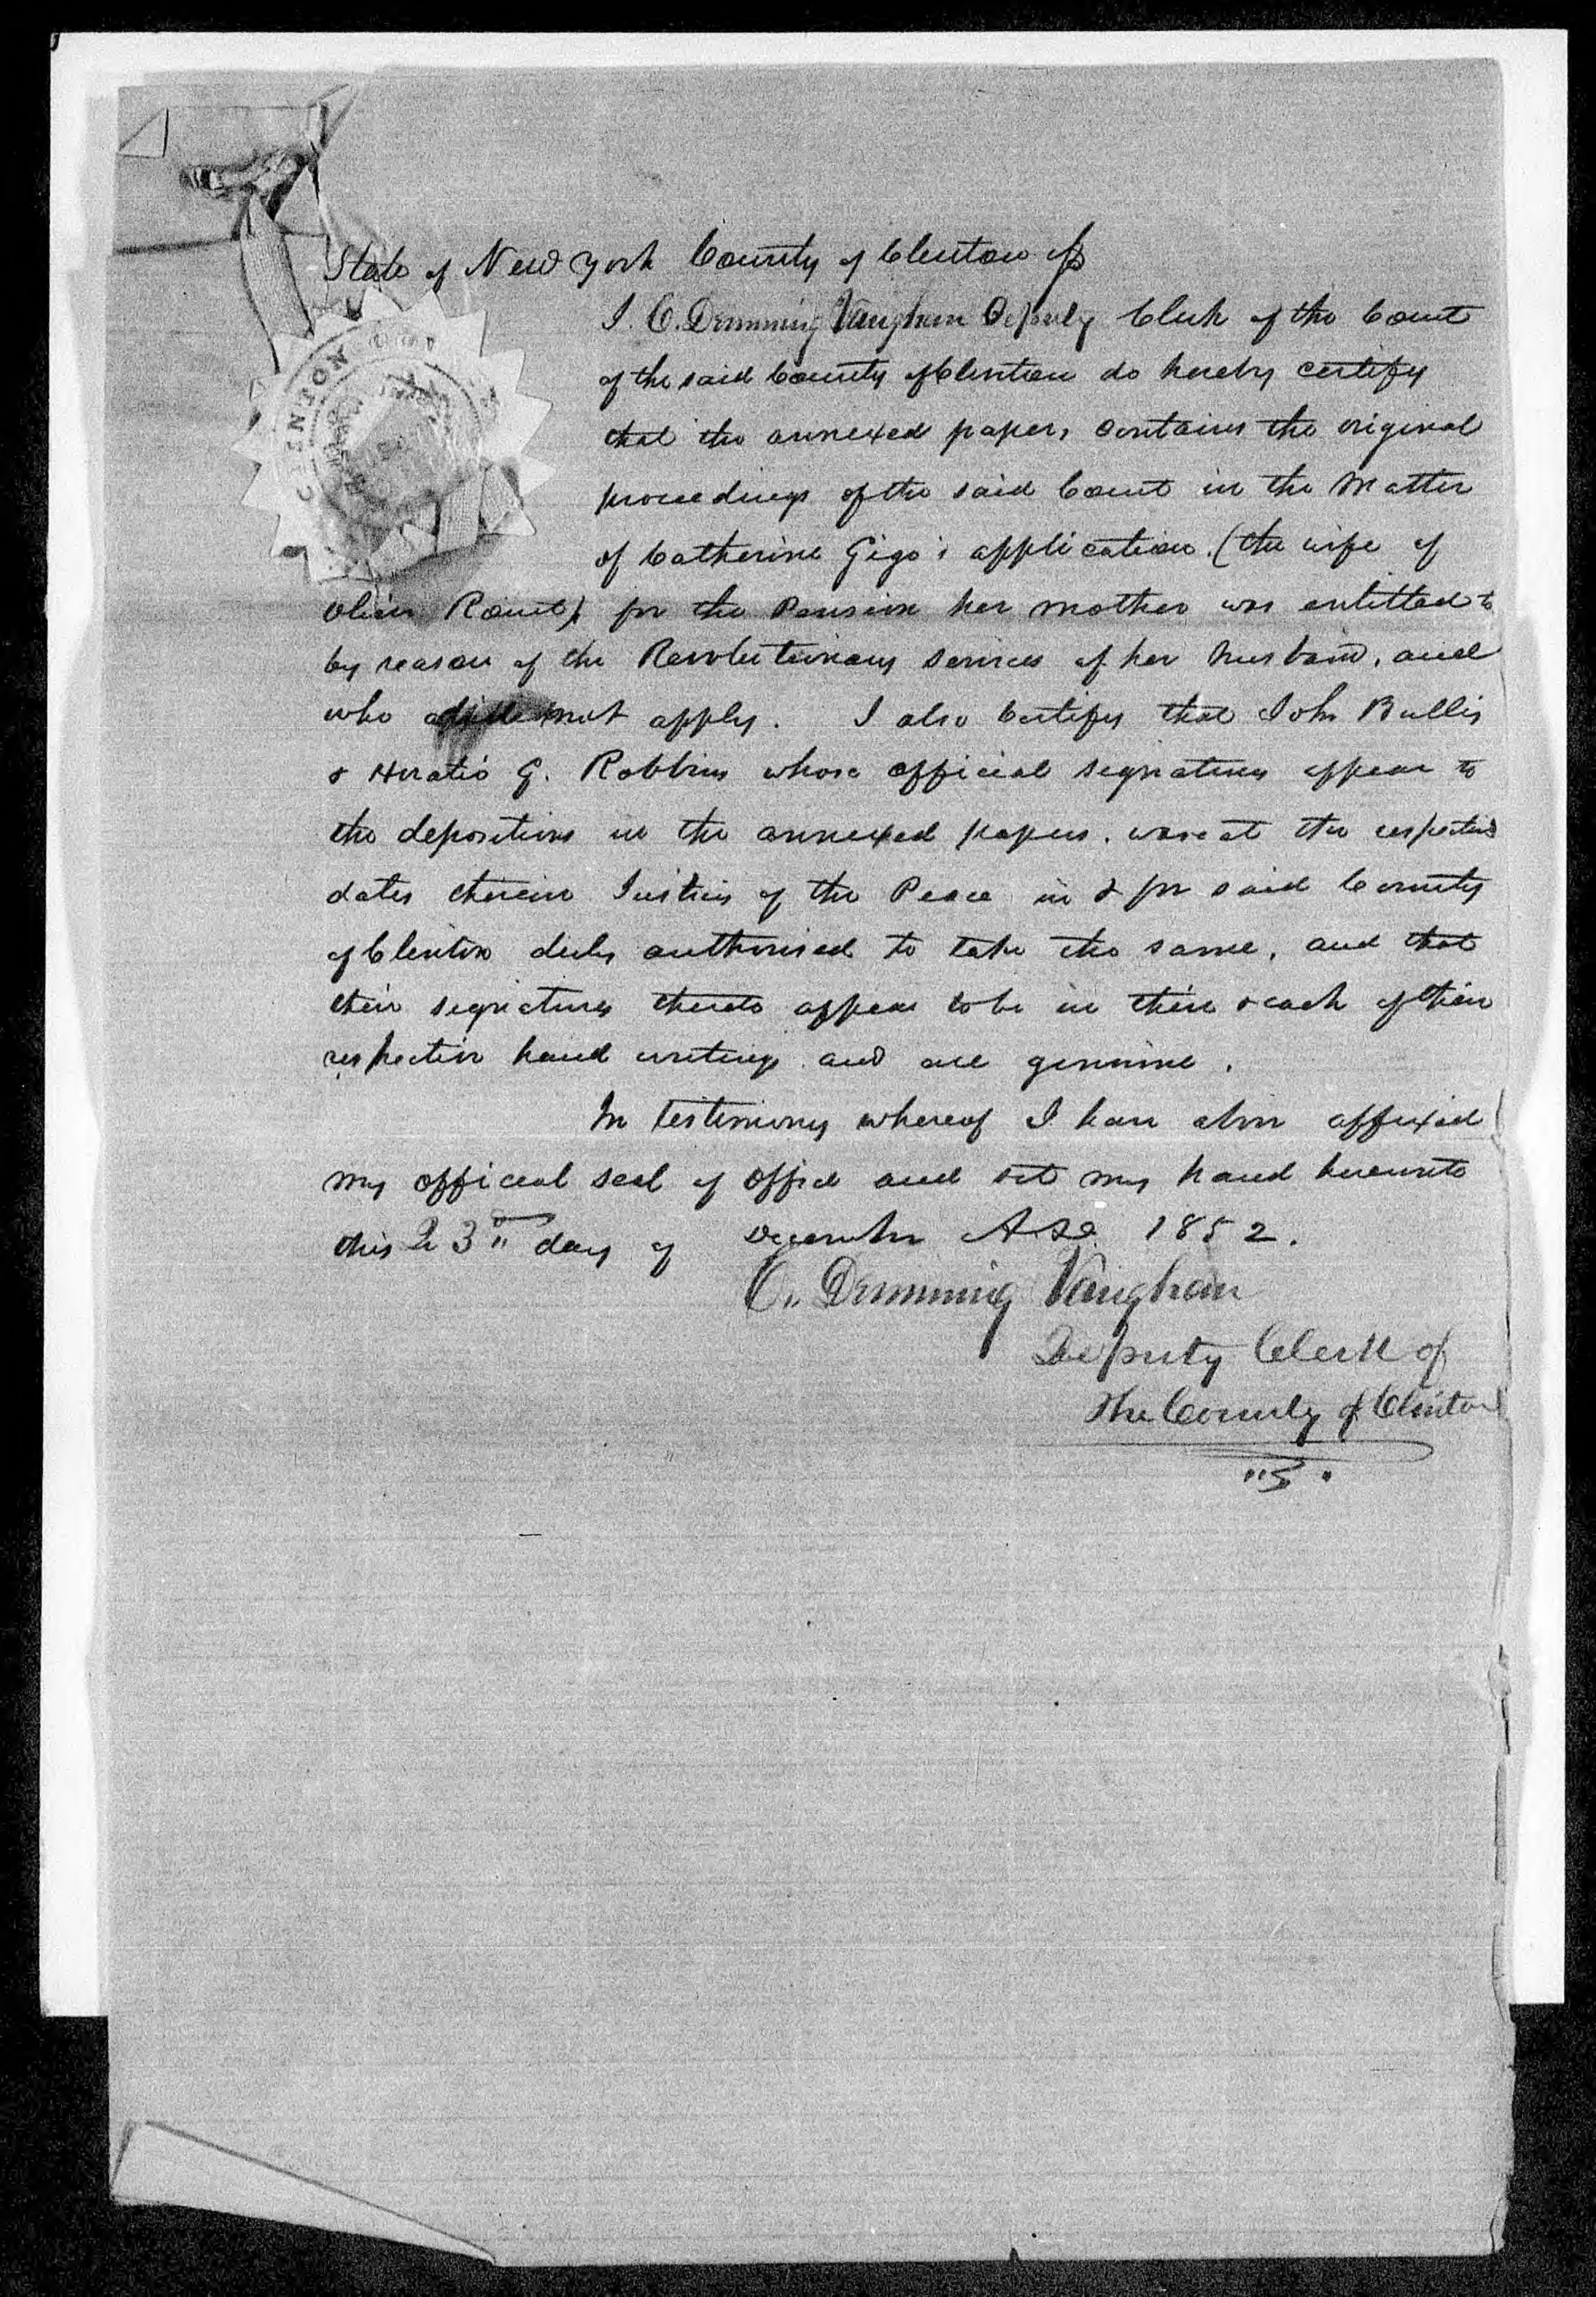[Seal} 
State of New York County of Clinton ss
I. C. Demming Vaughan Deputy Clerk of the Court of the said County aforemention do hereby certify that the annexed paper, contains the original proceedings after the said Court in the matter of Catherine Gigo; application (the wife of Oliver Roust) for the pension her mother was entittled to by reason of the Revolutionary Services of her husband, and who {illegible] apply.
I also certify that John Bullis & Hiratio G. Robbins whose official signatures appear to the depositions in the annexed papers, were at the expected dates therein Justices of the Peace in & for said county of Clinton did authorised to take the same, and that their signictures thereto appear to be in their reach of their respectiv hand writing and all genuine.
In testimony whereof I have above affixed my official seal of office and set my hand hereunto this 23 day of December A.D. 1852
C. Demming Vaughan
Deputy Clerk of the County of Clintom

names: C Demming Vaughan, C Demming Vaughan, Catherine Gigo, Horatio G Robbins, Oliver Rouet, John Bullis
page: 51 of 98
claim: widow's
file: W. 21182, Francis Gigo, Continental (Canadian)